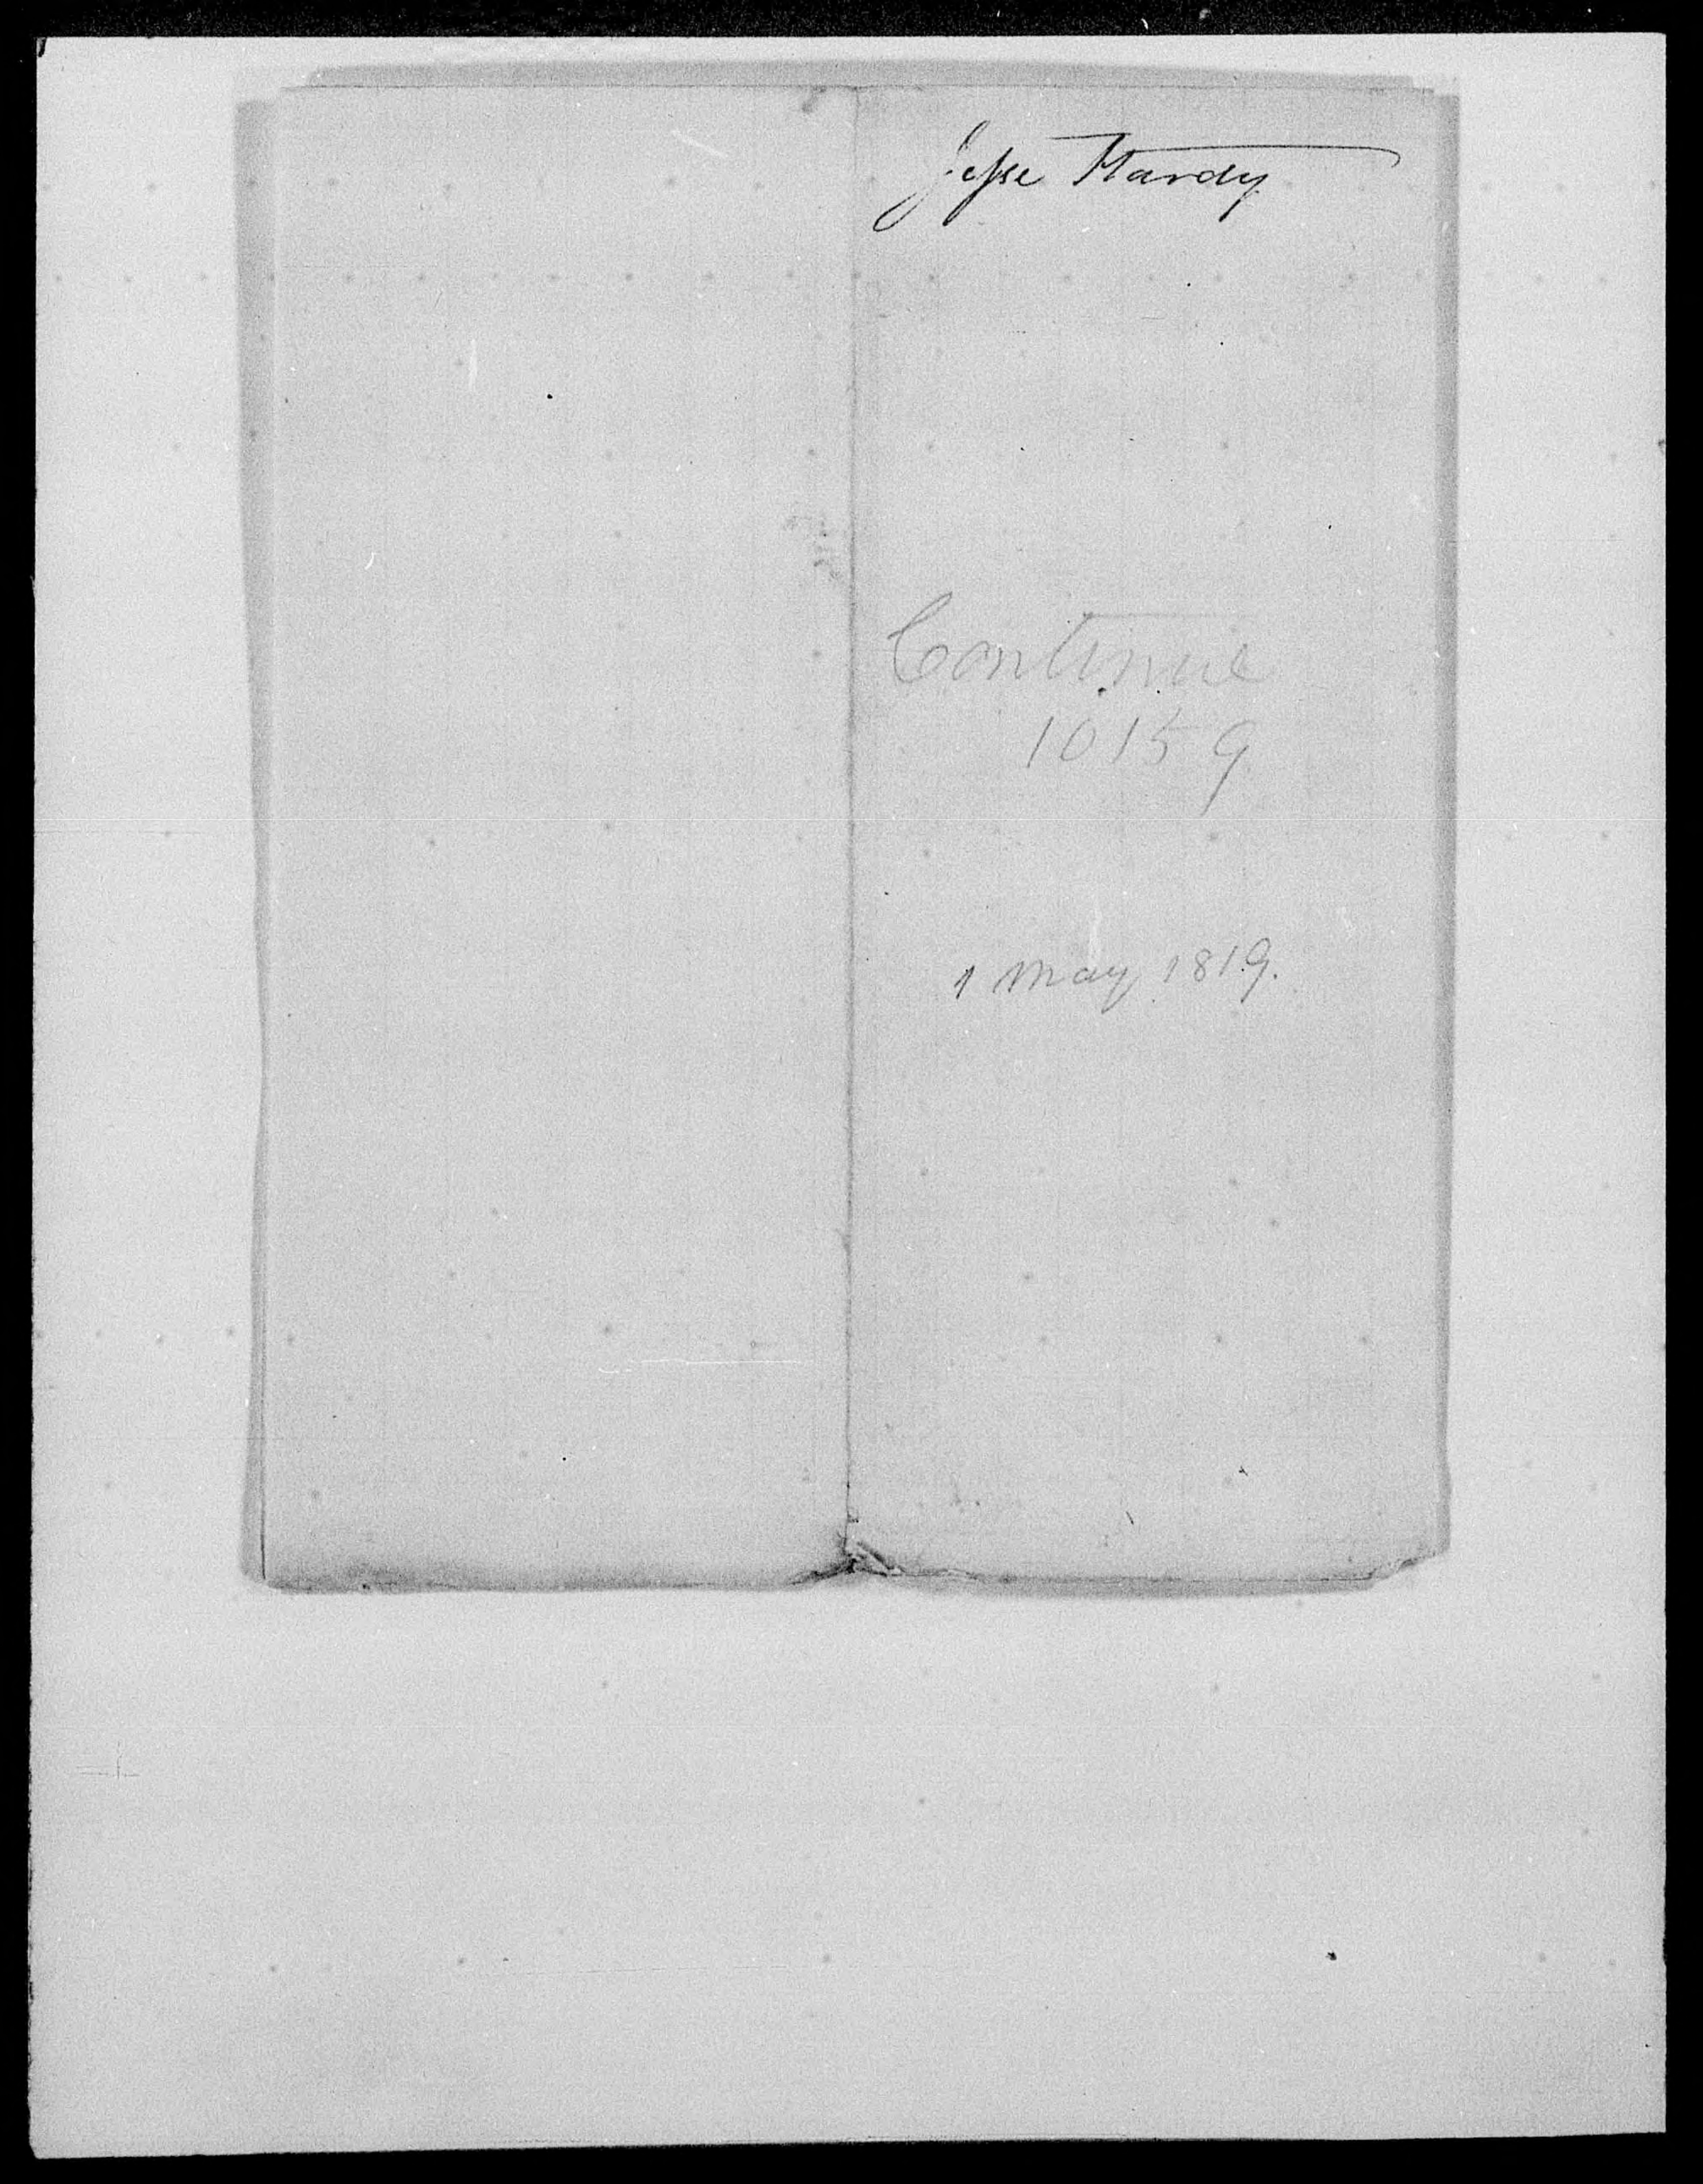Jesse Hardy

Continul

10159

1 May 1819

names: Jesse Hardy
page: 8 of 67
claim: widow's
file: W. 23183, Jesse Hardy, Mass.